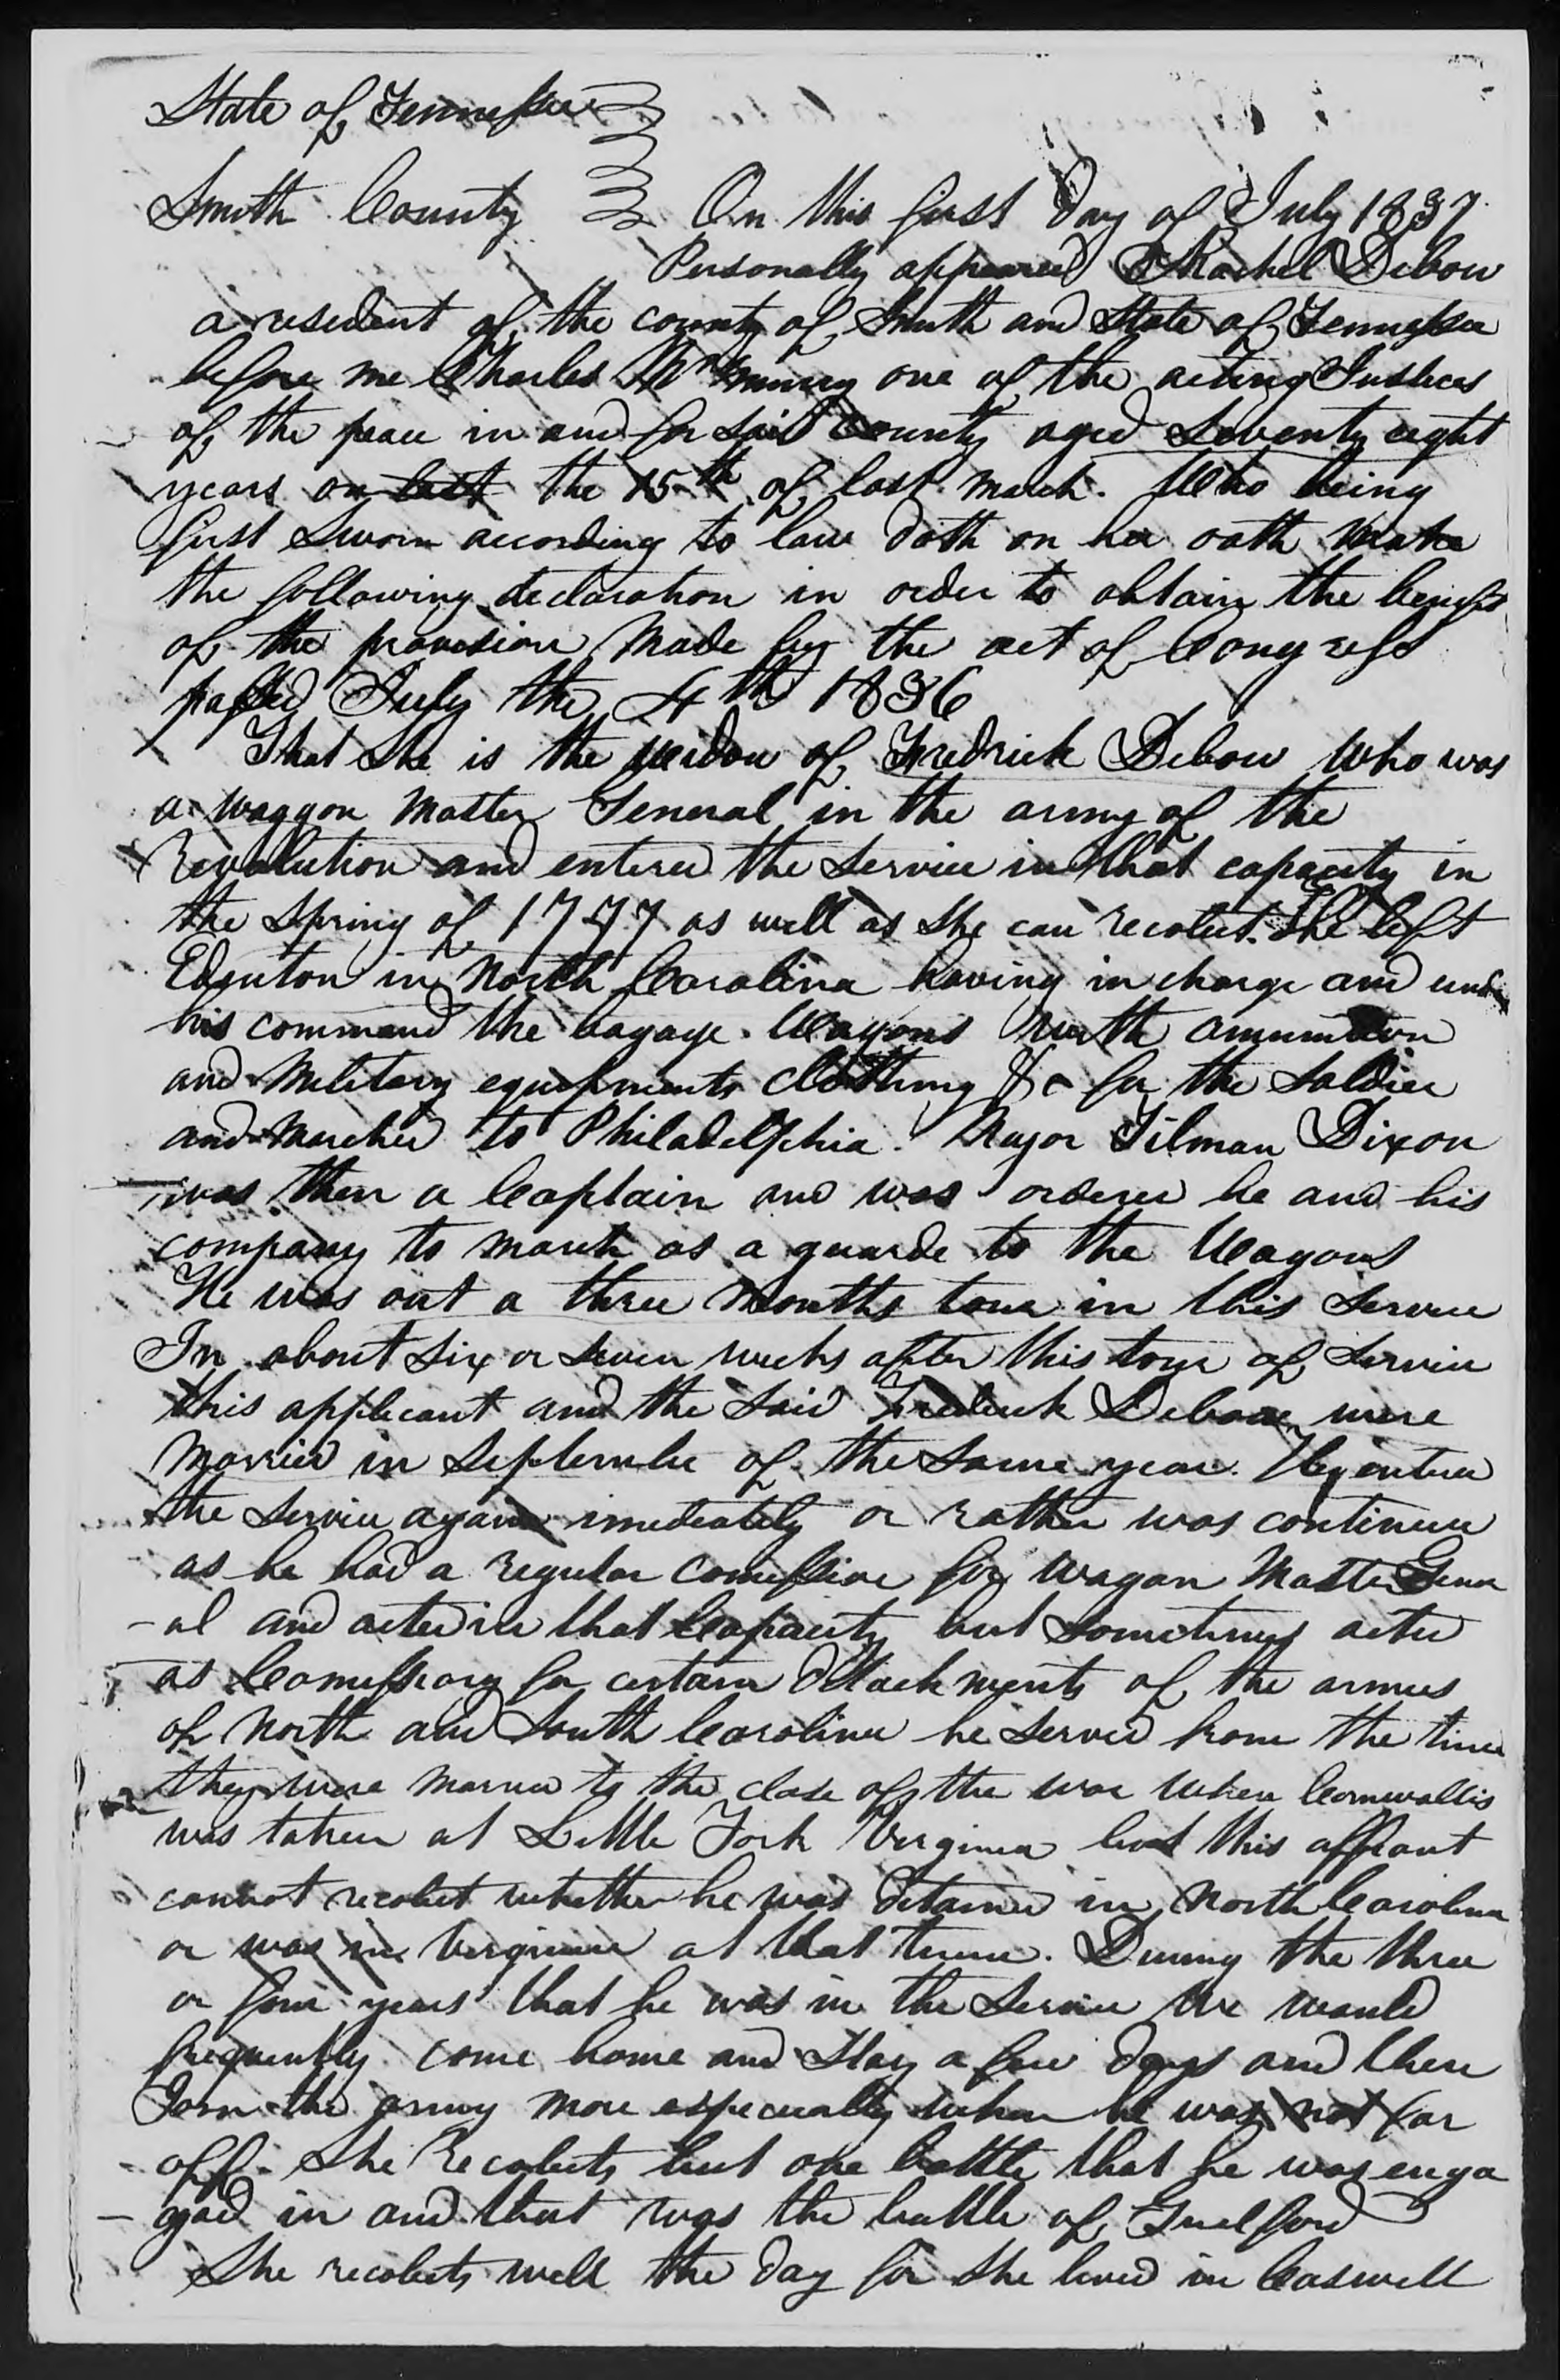State of Tennessee}
Smith County }
On this first day of July 1837
 Personally appeared Rachel Debow
A resident of the county of Smith and state of Tennessee 
before me Charles [illegible] one of the of the acting Justices
of the peace in and for said county aged seventy eight 
years on [struck through] the 15th of last March, who being
first sworn according to law oath on her oath with 
the following declaration in order to obtain the benefits 
of the provision made by the Act of  Congress
passed July the 4th 1836.
That she is the widow of Frederick Debow who was 
A Waggon Master General in the army of the 
Revolution and entered the Service in that capacity in 
The Spring of 1747 as well as she can recollect. She left
Edenton in North Carolina having in charge and under
His command the baggage. [illegible] North [illegible] 
and Military equipment clothing for the soldier and
marched to Philadelphia Mayor Tilman Dixon 
was then a Captain and was ordered to march as a a guard to [illegible] 
He was out a three month tour in this Service. 
In about six or seven months after this tour of service
this applicant and the said Frederick Debow were
married  in September of the same year.  [illegible]
the service again immediately or rather was continued 
as he has a regular compliance for Wagon Master Gener-
al and active that Capacity but something other
as Commissary for certain [illegible] of the army 
of North and South Carolina he service from the times
they were married to the close of the war where Cornwallis
was taken al Lille York Virginia but this affidavit
[illegible] whether he was [illegible] in North Carolina
Or was in Virgina at that [illegible]. During the three 
Or four years that he was in the service they would
Frequently come home and stay a few days and then
[illegible] the away more [illegible] when he was not far
Off. She recollects that one battle that he was enga
-ged in and that was the battle of Guilford
She recollects well the day for she loved in Casewell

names: Fredrick Debow, Fredrick Debow, Tilman Dixon, Rachel Debow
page: 3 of 62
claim: widow's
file: W 7005, Frederick Debow, N.C.